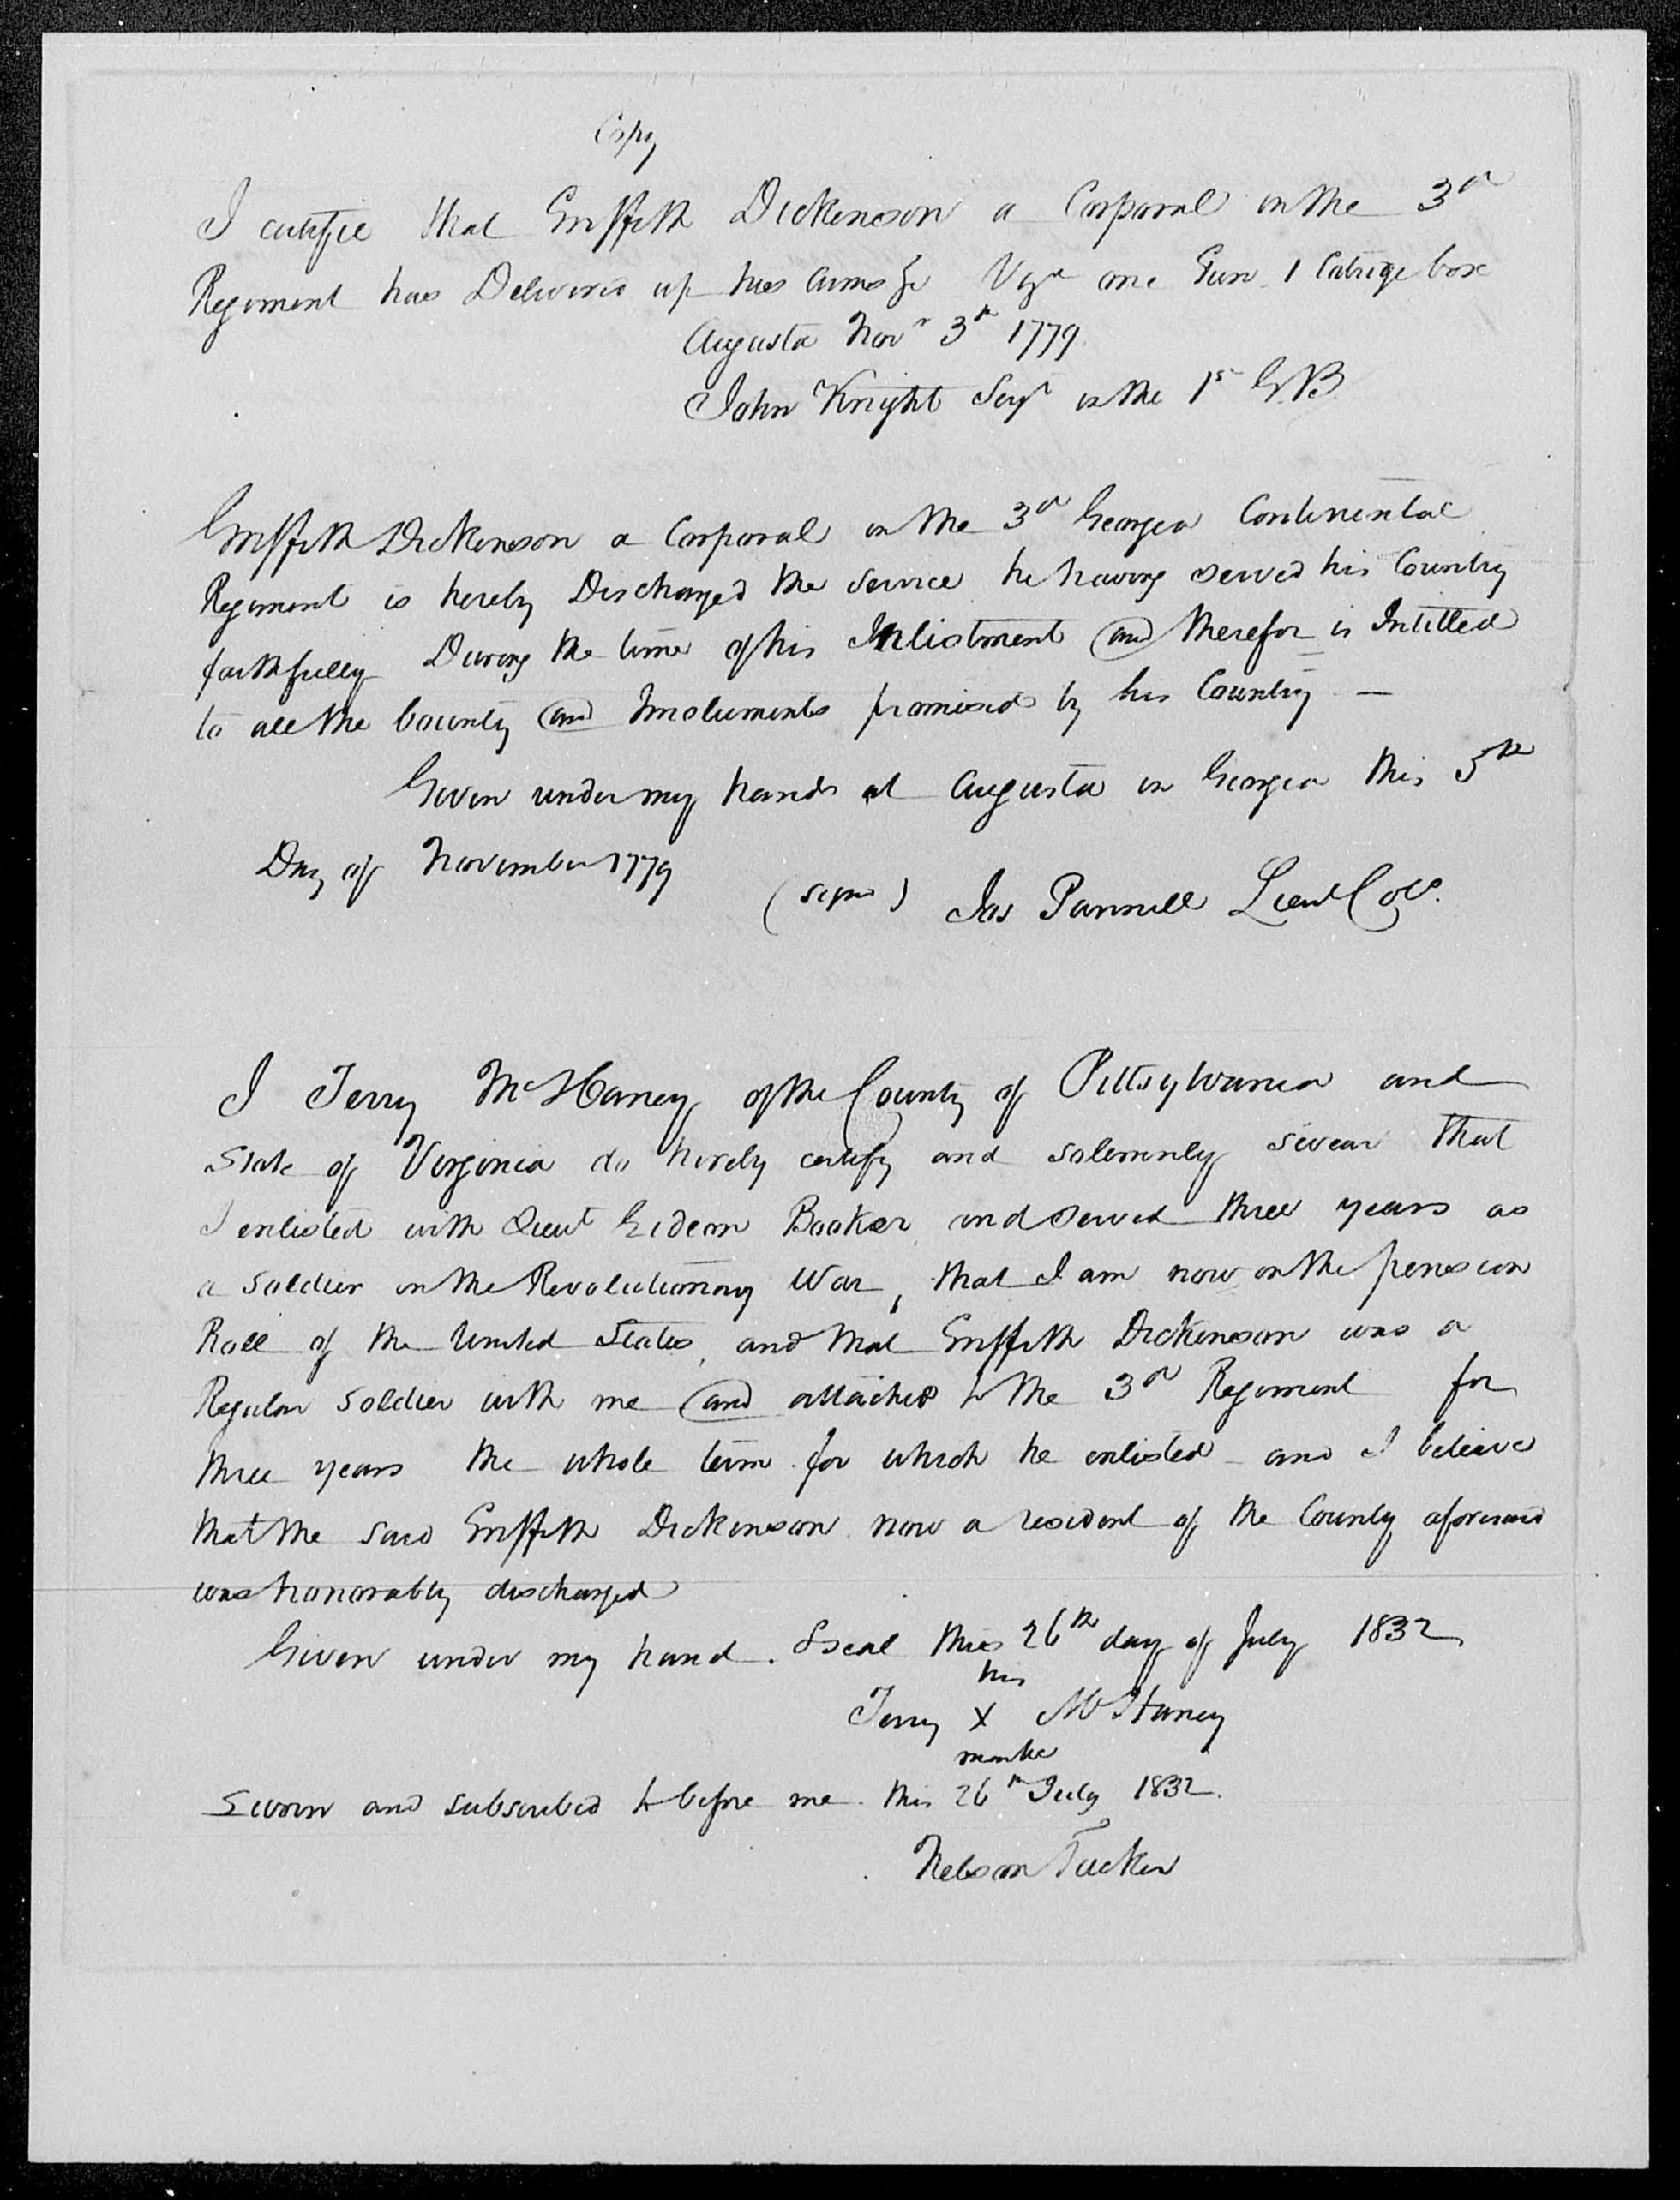Copy
I certifie that Griffith Dickinson a Corporal in the 3d Regiment has Delivered up his arms [cannot read two words] one Gun 1 Cartridge box
Augusta Nova 3d 1779
John Knight Sent in the 1st GB
Griffith Dickinson a Corporal in the 3d Georgia Continental Regiment is hereby Discharged [from??] Service he having served his Country faithfully During the time of his Enlistment and therefore is Entitled to all the bounty and Emoluments promised by his Country.
Even under my hand at Augusta in Georgia this 5th [or 3d] Day of November 1779.
(sign) Jas Pannell Lieut Col.

I TerryMcHenry of the County of Pettsy[? last letters?] and State of Virginia do hereby certify and solemnly swear that I enlisted with Lieut Edem Booker and served three years as a soldier in the Revolutionary War, that I am now on the pension Roll of the United States, and that Griffith Dickinson was a Regular soldier with me and attached to the 3rd Regiment for three years the whole term for which he enlisted and I believe that the said Griffith Dickinson now a resident of the County aforesaid was honorably discharged.
Given under my hand and seal this 26th day of July 1832,  
[signature] Terry X McHenry   his mark [superscript and subscript, above and below the X]
Sworn and subscribed before me this 26th July 1832. [signature] Nelson Tucker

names: Jos Pannill, Nelson Tucker, Terry Mc Haney, Griffeth Dickenson, Griffith Dickenson, John Knight, Griffith Dickenson, Terry Mc Haney, Gideon Booker, Griffith Dickenson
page: 13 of 26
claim: survivor's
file: S. 20896, Griffeth Dickenson, Ga. Va.